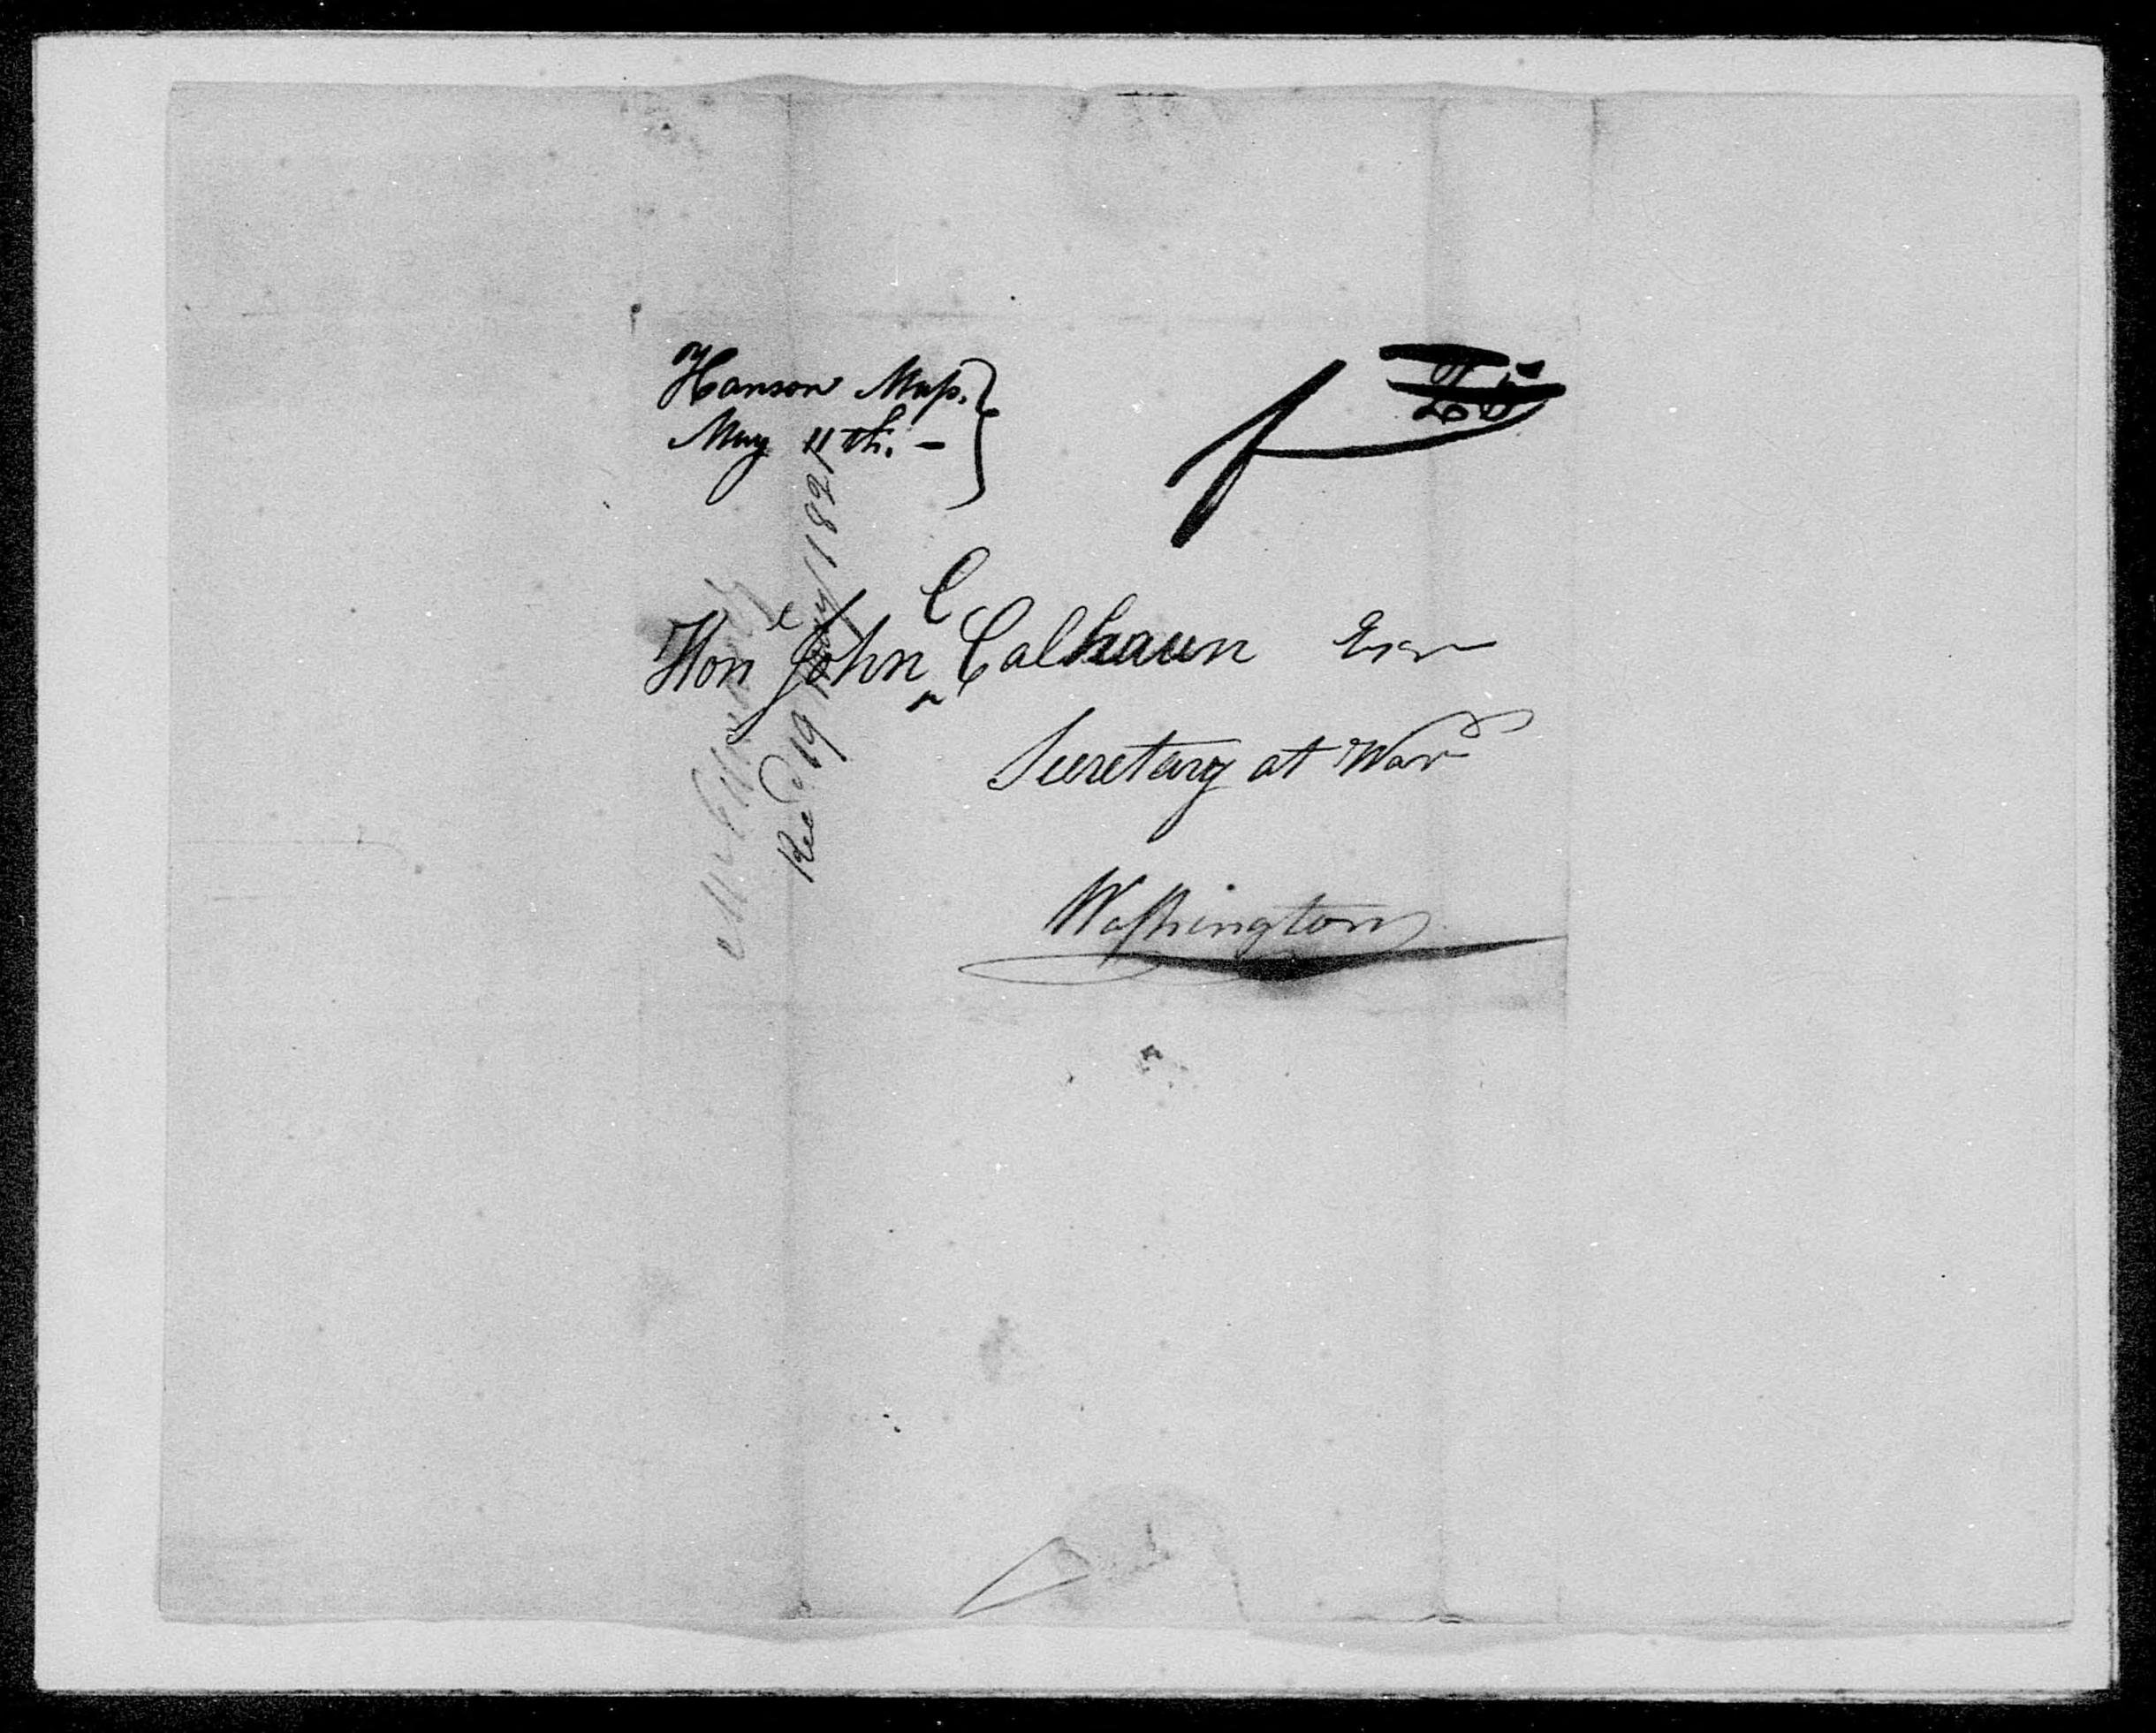Hanson Mass.
May 11th. -}
[crossed out]

Hon John C Calhoun Esq
Secretary at War
Washington

rec 19 May 1821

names: Edwards, John C Calhoun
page: 46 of 47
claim: widow's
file: W. 14703, Elisha Faxon, Mass